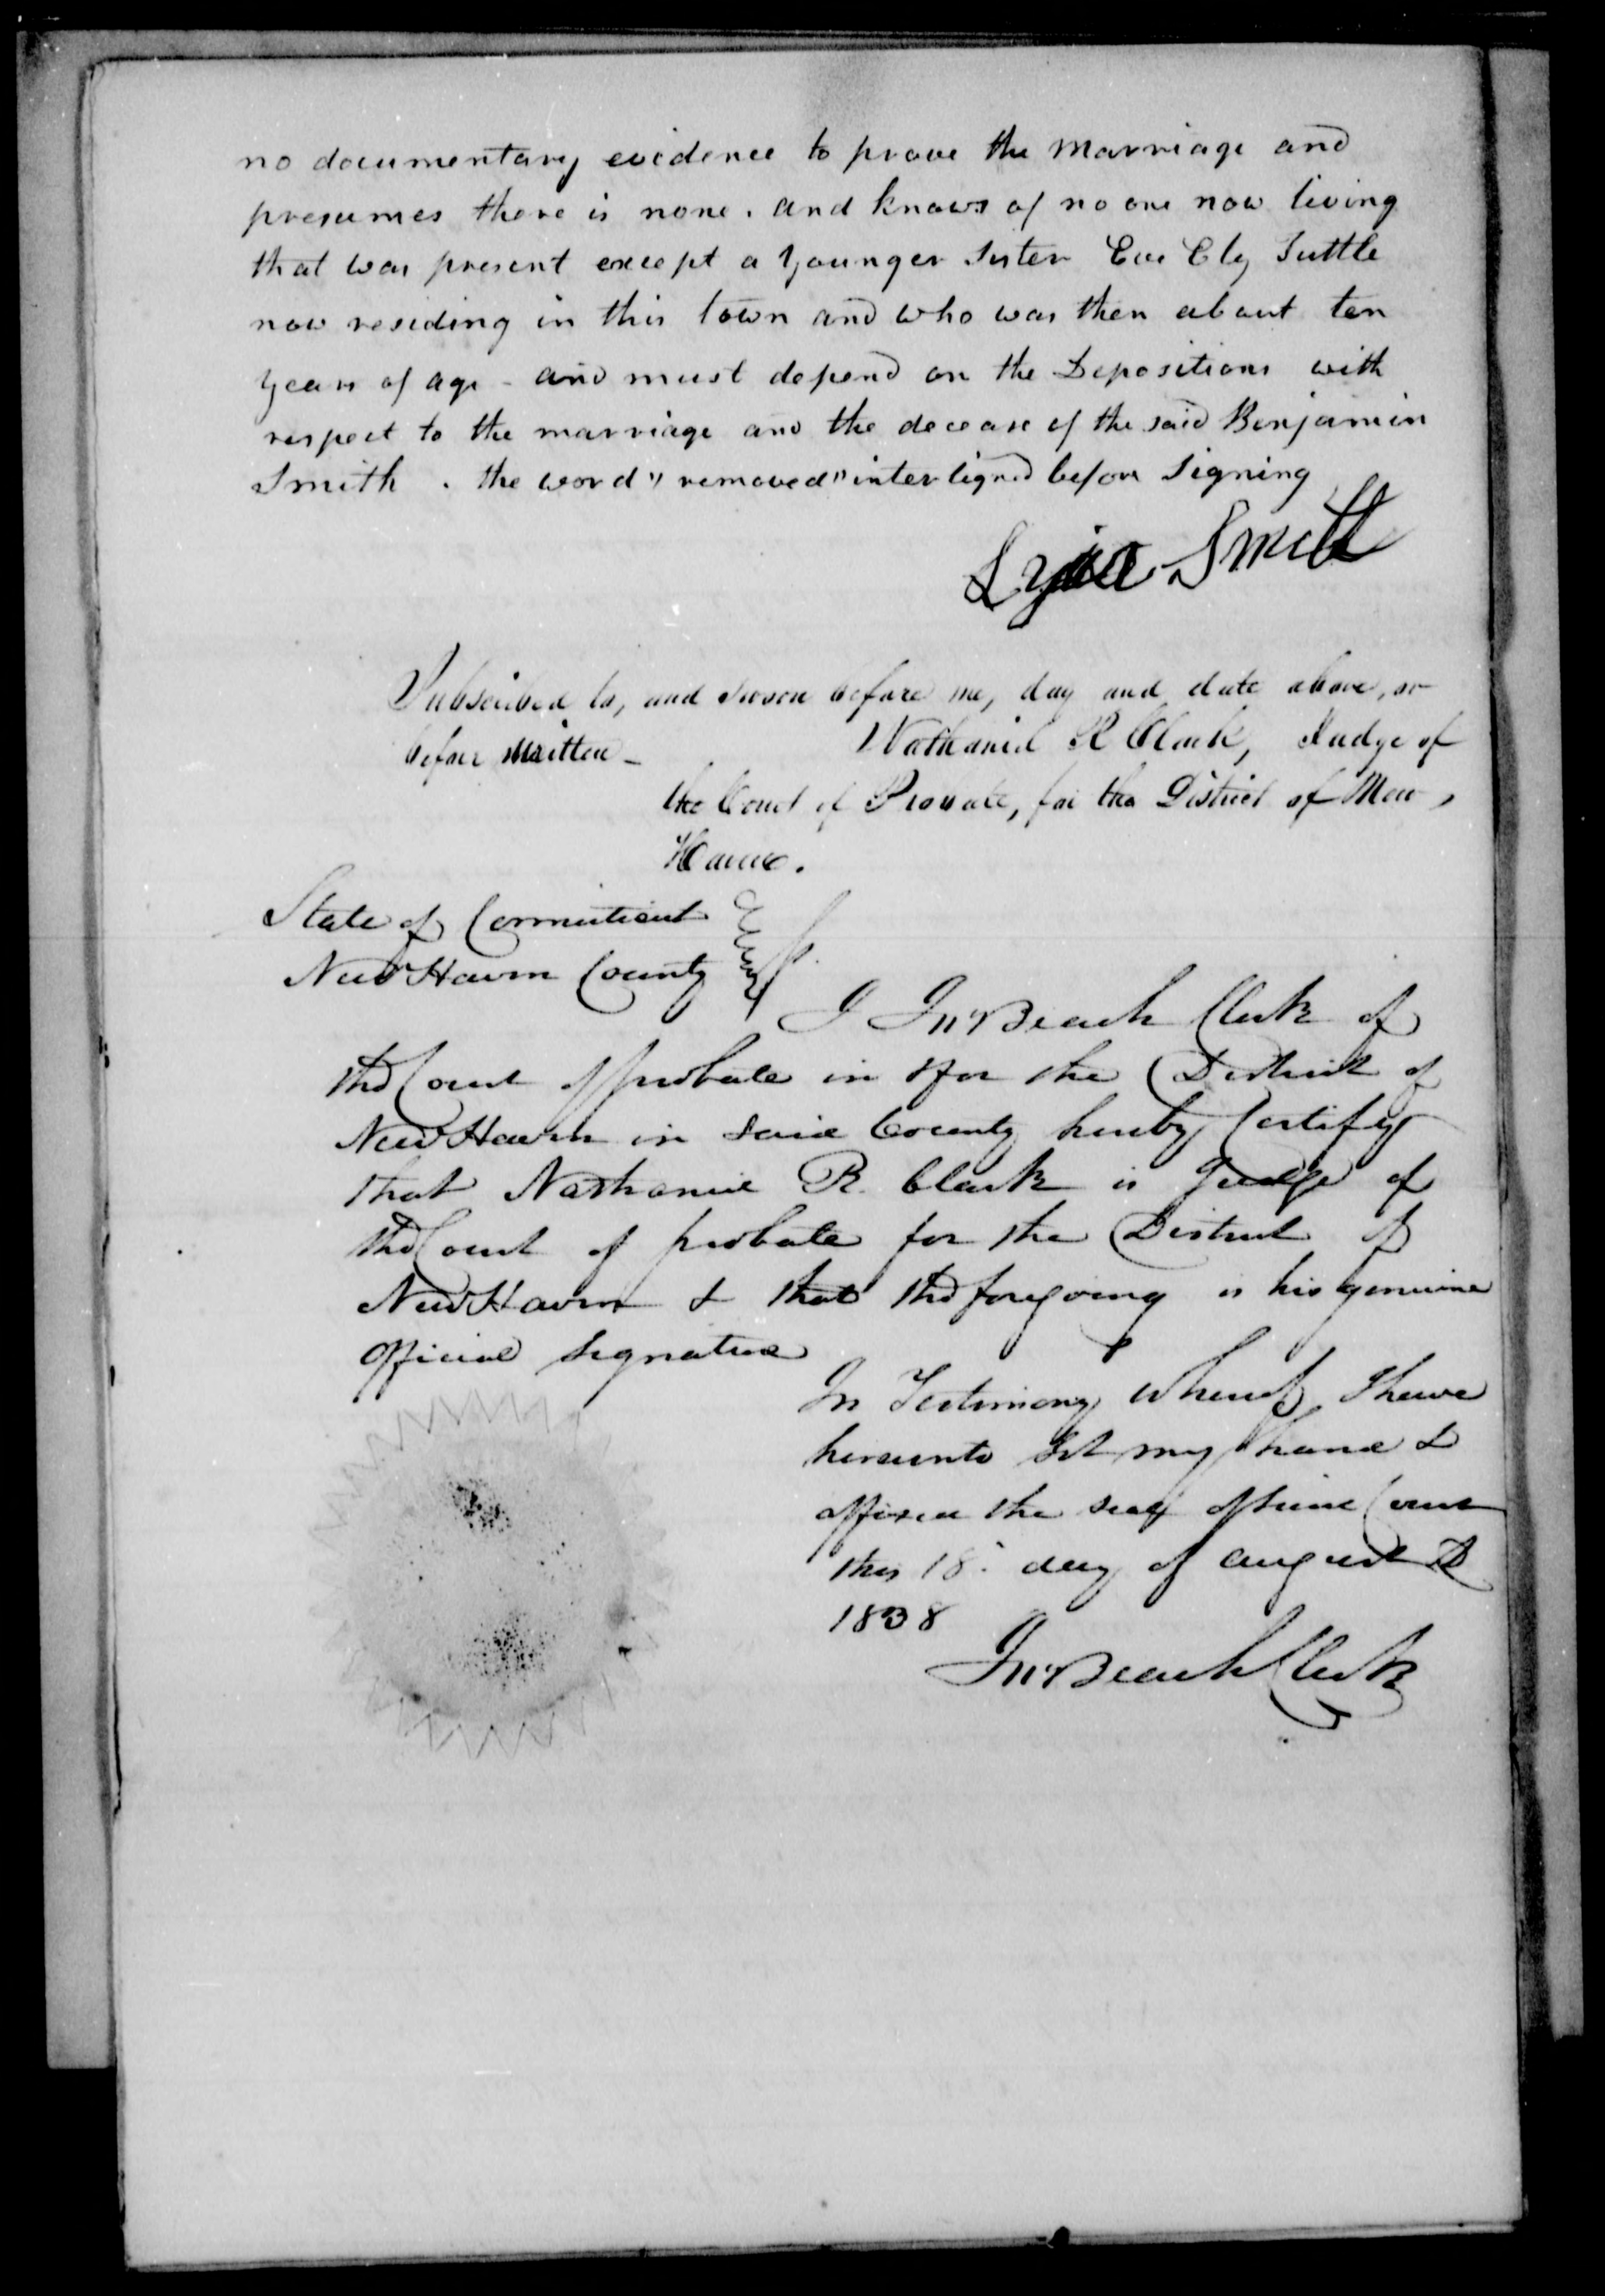no documentary evidence to prove the marriage and presumes there is none, and knows of no one now living that was present except a younger sister Eve Ely Tuttle now residing in this town and who was then about ten years of age -- and must depend on the depositions with respect to the marriage and the decease of the said Benjamin Smith. The word "removed" interligned before signing.

Lydia Smith

Subscribed to, and sworn before me, da an date agove, or before written.
Nathaniel R. Clark, Judge of the Court of Probate, for the District of New Haven

State of Connecticut
New Haven County

I, Jno. Beach Clerk of the Court of Probate in New Haven in said county hereby certify that Nathaniel R. Clark is Judge of the Court of Probate for the District of New Haven & that the foregoing is his genuine offical signature.
In Testimony whereof, I have herunto set my hand & affixed the seal of said Court hits 18th day of August 1808.
Jno. Beach, Clerk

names: Nathaniel R Clark; Lydia Smith; Nathaniel R Clark; Eve Ely Tuttle; Jno Beack; Jno Beack; Benjamin Smith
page: 9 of 19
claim: rejected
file: R 9792, for Benjamin Smith, Connecticut